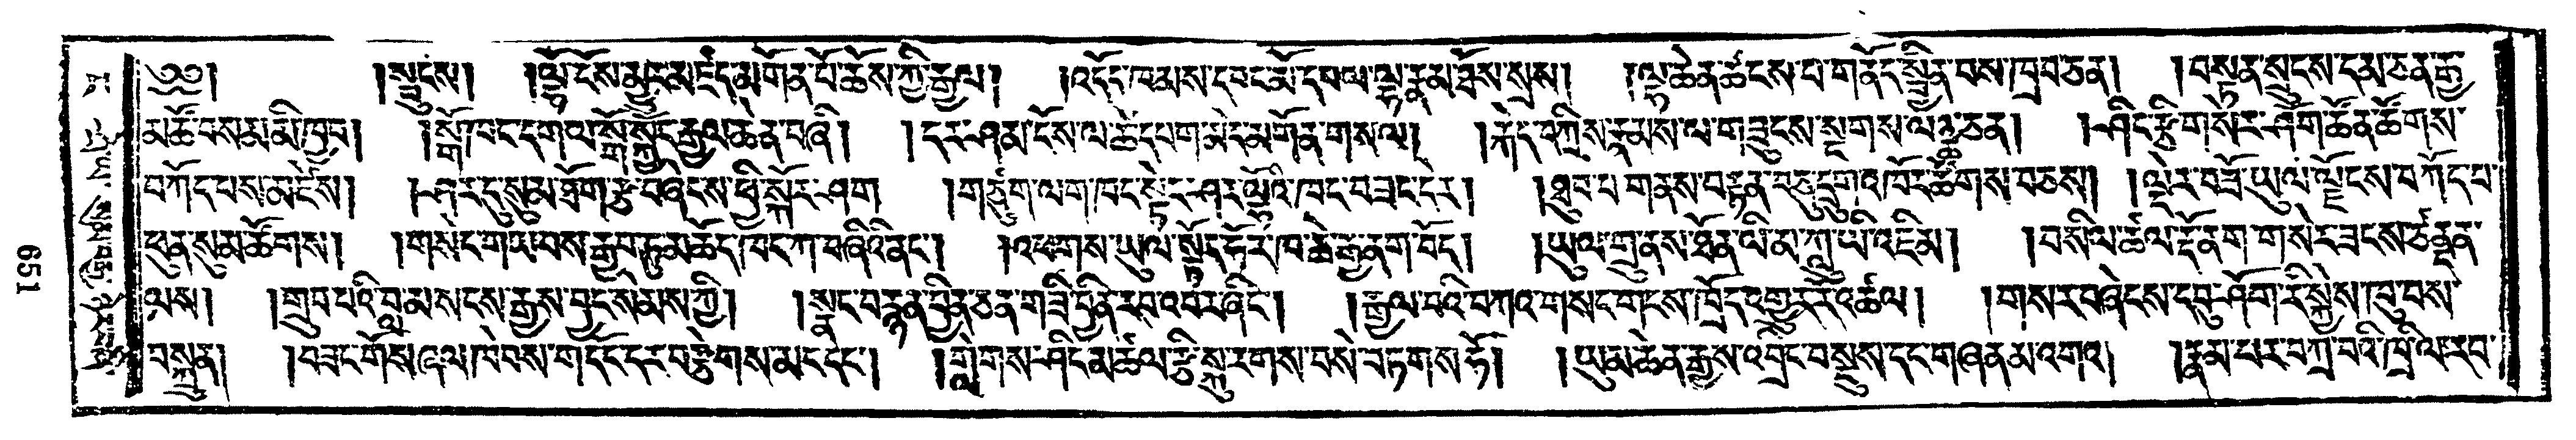༄༅། །སྤུངས། །ལྷོ་ངོས་མྱུར་མཛད་མགོན་པོ་ཆོས་ཀྱི་རྒྱལ། །འདོད་ཁམས་དབང་མོ་དཔལ་ལྷ་རྣམ་ཐོས་སྲས། །ལྷ་ཆེན་ཚངས་པ་གནོད་སྦྱིན་བས་ཁྲབ་ཅན། །བསྟན་སྲུངས་དམ་ཅན་རྒྱ་
མཚོ་བསམ་མི་ཁྱབ། །སྒོ་ཁང་དག་ལ་སྒོ་སྐྱོང་རྒྱལ་ཆེན་བཞི། །དར་ཤམ་ངོས་ལ་ཚེ་དཔག་མེད་མགོན་གསལ། །རྐེད་བཀྲིས་རྣམས་ལ་གཟུངས་སྔགས་ལཉྪ་ཅན། །ཤིང་རྩི་གསེར་ཤོག་ཚོན་ཚོགས་
བཀོད་པས་མཛེས། །ཤར་དུ་སུམ་ཐོག་རྩ་བཞེངས་ཕྱི་སྐོར་ཤག །གཙུག་ལག་ཁང་སྟེང་ཤར་ལྷོའི་ཁང་བཟང་དེར། །ཐུབ་པ་གནས་བརྟན་བཅུ་དྲུག་འཁོར་ཚོགས་བཅས། །ལྡེར་བཟོ་ཡུལ་ལྗོངས་བཀོད་པ་
ཕུན་སུམ་ཚོགས། །གསེང་གཡབས་རྒྱབ་ཏུ་མཆོད་ཁང་ཀ་བཞིའི་ནང་། །འཕགས་ཡུལ་སྟོད་ཧོར་ཁ་ཆེ་རྒྱ་ནག་བོད། །ཡུལ་གྲུ་ནས་ཐོན་ལི་མ་ཀླུ་ཡི་འཇིམ། །བསིལ་ཚལ་རྡོ་ནག་གསེར་ཟངས་ཙནྡན་
ལས། །གྲུབ་པའི་བླ་མ་སངས་རྒྱས་བྱང་སེམས་ཀྱི། །སྣང་བརྙན་བྱིན་ཅན་གཟི་བྱིན་རབ་འབར་ཞིང་། །རྒྱལ་བའི་བཀའ་གསང་གངས་ཁྲོད་འགྱུར་རོ་འཚལ། །གསར་བཞེངས་དབུ་ཤོག་རི་སྐྱེས་ཁུ་བ་ས་
བསྐྲུན། །བཟང་གོས་ཞལ་ཁེབས་གདོང་དར་བརྩེགས་མང་དང་། །གླེགས་ཤིང་མཚལ་རྩི་སྐུ་རགས་བསེ་བཏགས་ཧོ། །ཡུམ་ཆེན་རྒྱས་འབྲིང་བསྡུས་དང་གཞན་མ་འགའ། །རྣམ་པར་བཀྲ་བའི་ཁྲི་ལ་རབ་